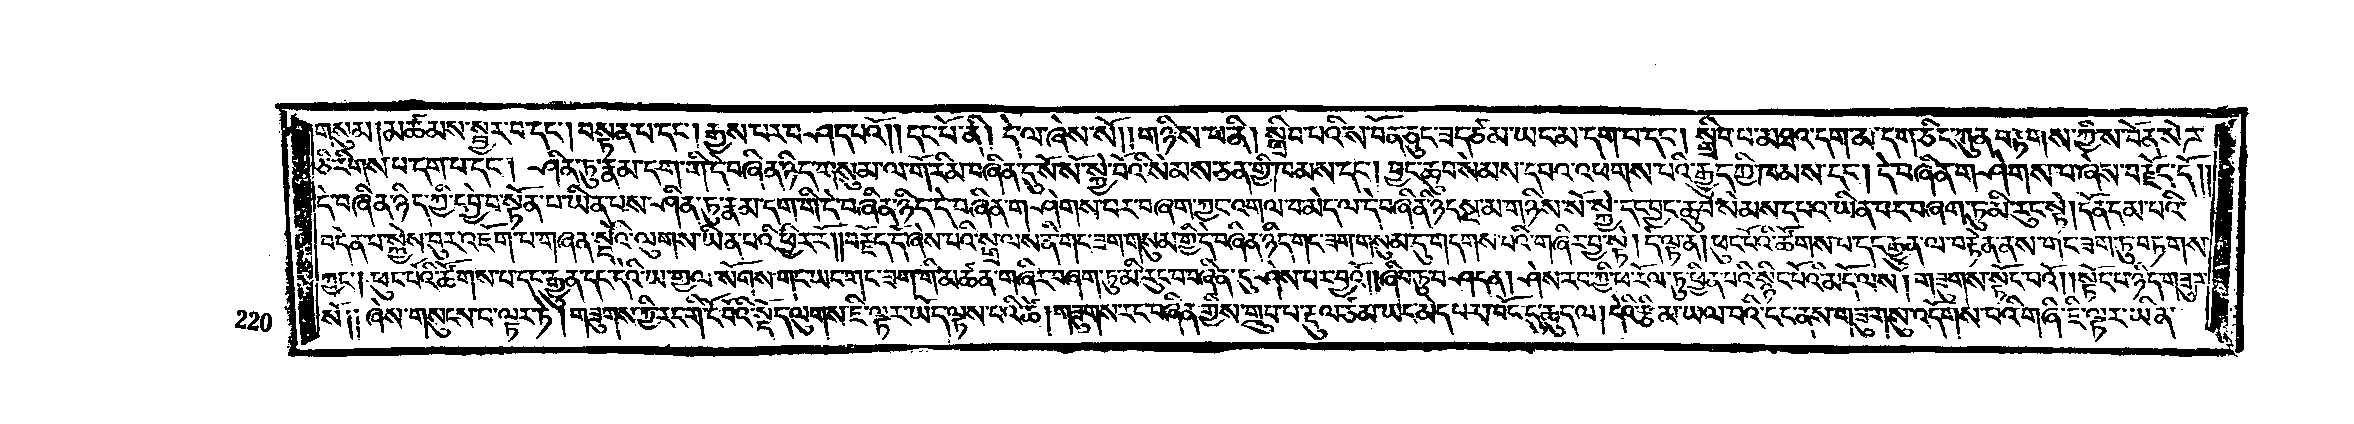གསུམ༑ མཚམས་སྦྱར་བ་དང་། བསྟན་པ་དང་། རྒྱས་པར་བཤད་པའོ། །དང་པོ་ནི། དེ་ལ་ཞེས་སོ། །གཉིས་པ་ནི། སྒྲིབ་པའི་ས་བོན་ཅུང་ཟད་ཙམ་ཡང་མ་དག་པ་དང་། སྒྲིབ་པ་མཐའ་དག་མ་དག་ཅིང་ཀུན་བརྟགས་ཀྱི་ས་བོན་སོགས་
ཅི་རིགས་པ་དག་པ་དང་། ཤིན་ཏུ་རྣམ་དག་གི་དེ་བཞིན་ཉིད་གསུམ་ལ་གོ་རིམ་བཞིན་དུ་སོ་སོ་སྐྱེ་བོའི་སེམས་ཅན་གྱི་ཁམས་དང་། བྱང་ཆུབ་སེམས་དཔའ་འཕགས་པའི་རྒྱུད་ཀྱི་ཁམས་དང་། དེ་བཞིན་གཤེགས་པ་ཞེས་བརྗོད་དོ། །
དེ་བཞིན་ཉིད་ཀྱི་དབྱེ་བ་སྟོན་པ་ཡིན་པས་ཤིན་ཏུ་རྣམ་དག་གི་དེ་བཞིན་ཉིད་དེ་བཞིན་གཤེགས་པར་བཞག་ཀྱང་འགལ་བ་མེད་ལ་དེ་བཞིན་ཉིད་སྔ་མ་གཉིས་སོ་སྐྱེ་དང་བྱང་ཆུབ་སེམས་དཔའ་ཡིན་པར་བཞག་ཏུ་མི་རུང་སྟེ། དོན་དམ་པའི་
བདེན་པ་སྐྱེས་བུར་འཇོག་པ་གཞན་སྡེའི་ལུགས་ཡིན་པའི་ཕྱིར་རོ། །བརྗོད་དོ་ཞེས་པའི་སྒྲ་ལས་ནི་གང་ཟག་གསུམ་གྱི་དེ་བཞིན་ཉིད་གང་ཟག་གསུམ་དུ་གདགས་པའི་གཞིར་བྱ་སྟེ། དེ་ལྟ་ན། ཕུང་པོའི་ཚོགས་པ་དང་རྒྱུན་ལ་བརྟེན་ནས་གང་ཟག་ཏུ་བཏགས་
ཀྱང༑ ཕུང་པོའི་ཚོགས་པ་དང་རྒྱུན་དང་དེའི་ཡ་གྱལ་སོགས་གང་ཡང་གང་ཟག་གི་མཚན་གཞིར་བཞག་ཏུ་མི་རུང་བ་བཞིན་དུ་ཤེས་པར་བྱའོ། །ཞིབ་ཏུ་བཤད་ན། ཤེས་རབ་ཀྱི་ཕ་རོལ་ཏུ་ཕྱིན་པའི་སྙིང་པོའི་མདོ་ལས། གཟུགས་སྟོང་པའོ། །སྟོང་པ་ཉིད་གཟུགས་
སོ༑ ༑ཞེས་གསུངས་པ་ལྟར་ཏེ། གཟུགས་ཀྱི་རང་གི་ངོ་བོའི་སྡོད་ལུགས་ཇི་ལྟར་ཡོད་ལྟས་པའི་ཚེ། གཟུགས་རང་བཞིན་གྱིས་གྲུབ་པ་རྡུལ་ཙམ་ཡང་མེད་པར་ཁོང་དུ་ཆུད་ལ། དེའི་རྩི་མ་ཡལ་བའི་ངང་ནས་གཟུགས་སུ་འདོགས་པའི་གཞི་ཇི་ལྟར་ཡིན་